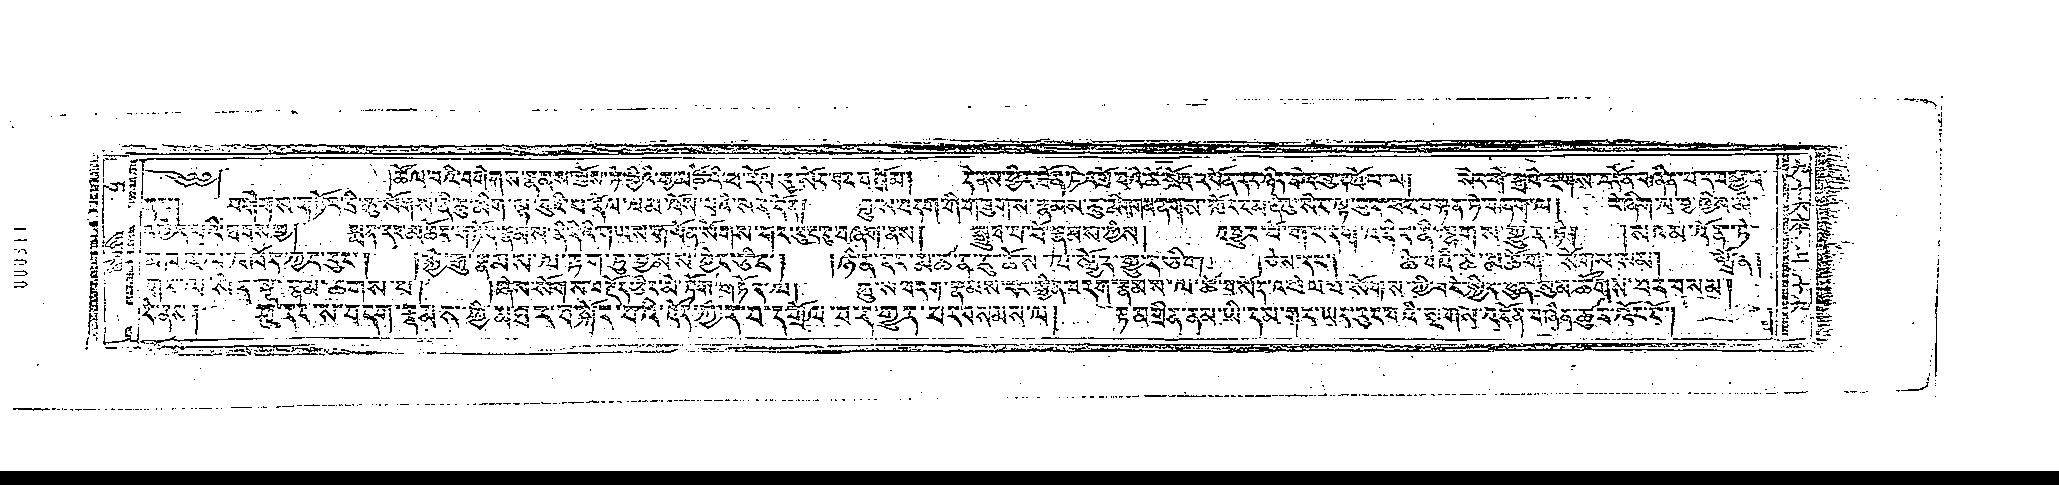༄༅། །ཚོམ་པའི་བགེགས་རྣམས་ཐོས་ཏེ་ཕྱིའི་རྒྱ་མཚོའི་ཕ་རོལ་དུ་སོང་བར་བསྒོམ། དེ་ནས་ཕྱིར་ཐོན་ཏེ་འགྲོ་པའི་ཚེ་སློབ་དཔོན་རང་ཉིད་དྲིལ་བུ་དཀྲོལ་བ། སེང་གེ་སྒྲའི་སྔགས་འདོན་བཞིན་པར་བསྐྱལ་
ནས། བགེགས་གཏོར་དྲི་ཆུ་སོགས་ན་ཆུ་མིག་ལྟ་བུའི་ཕ་རོལ་ལམ་འོས་པའི་སར་དོར། ཀླུ་ས་བདག་གི་གཟུགས་རྣམས་ཆུ་མིགས་ནགས་གློང་ངམ་ནིའུ་སིང་ལྟ་བུར་ཕང་བསྟན་ཏེ་བཞག་ལ། རེ་ཞིག་ལ་བྱ་ཁྱིས་མི་
འཁྱེར་པའི་ཐབས་བྱ། སྨན་དང་མཆོད་གཏོར་རྣམས་ཅི་དེའི་གཡས་གཡོན་སོགས་གང་རུང་དུ་བཞག་ནས། སྒྲུབ་པ་པོ་རྣམས་ཀྱིས། འབྱུང་པོ་གང་ངག་འདིར་ནི་ལྷགས་གྱུར་ཏེ། །སའམ་འོན་ཏེ་
མཁའ་ལ་འཁོར་ཀྱང་རུང་། །སྐྱེ་རྒུ་རྣམས་ལ་རྟག་ཏུ་བྱམས་བྱེད་ཅིང་། །ཉིན་དང་མཚན་དུ་ཆོས་ལ་སྤྱོད་གྱུར་ཅིག །ཅེས་དང་། ཆེ་པའི་ཆེ་མཆོག་སོགས་སམ། སྤྲོ་ན།
གང་ལ་སེར་སྣ་རྣམ་ཆགས་པ། །ཞེས་སོགས་བརྗོད་ཅིང་མེ་ཏོག་གཏོར་ལ། ཀླུས་བདག་རྣམས་དང་སྦྱིན་བདག་རྣམས་ལ་ཚོ་བསོད་འཕེལ་བ་སོགས་ཀྱི་བདེ་སྐྱིད་ཕུན་སུམ་ཚོགས་པར་བསམ།
དེ་ནས། ཀླུ་དང་ས་བདག་རྣམས་ཀྱི་མཐར་བསྐོར་པའི་འོད་ཀྱི་རབ་དགྲོལ་བར་གྱུར་པར་བསམས་ལ། རྟ་མགྲིན་ནམ་ཡི་དམ་གང་ཡང་རུང་བའི་སྔགས་འདོན་ཞིན་ཚུར་འོང་ངོ། །